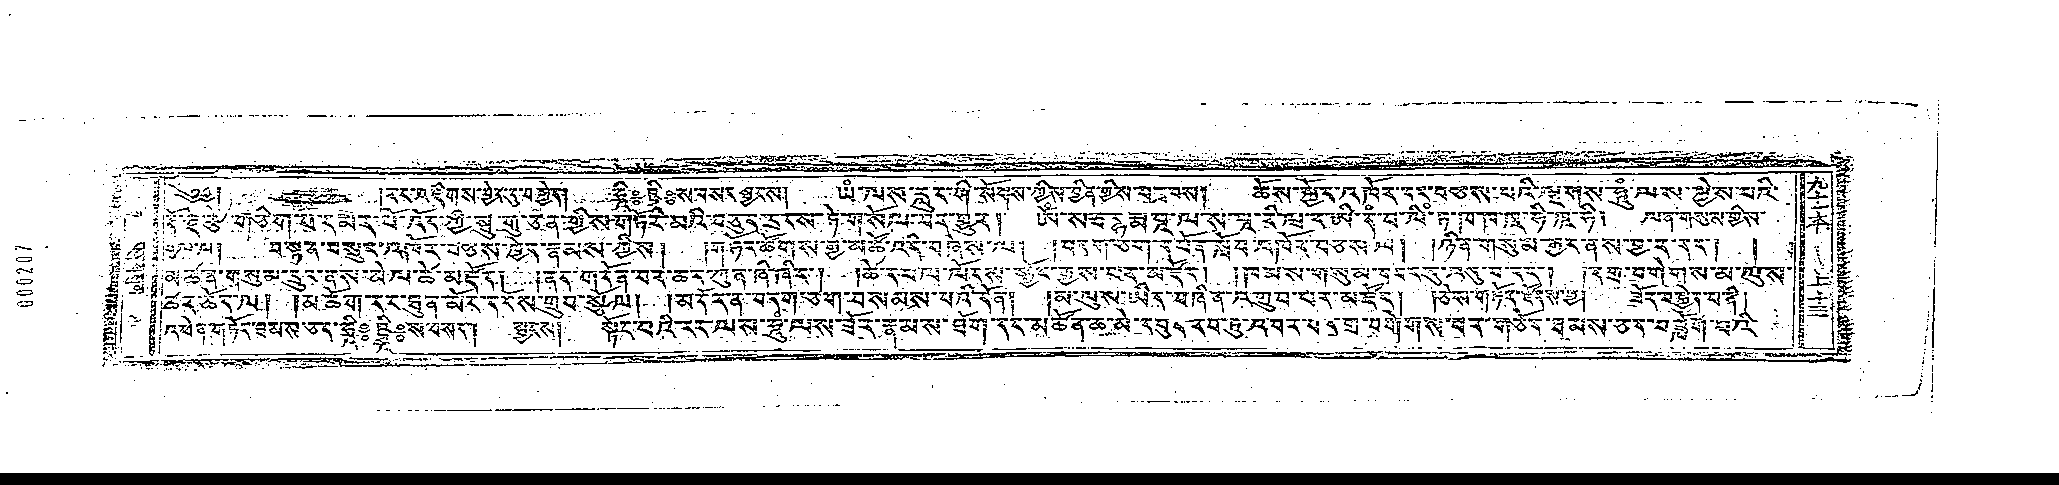༄༅། །རང་འཇིགས་བྱེད་དུ་བསྐྱེད། ཧྲཱིཿ་ཥྚི་ས་བསངས་སྦྱངས། ཡཾ་ལས་རླུང་གི་སོགས་ཀྱིས་བྱིན་གྱིས་བརླབས། ཆོས་སྐྱོང་འཁོར་དང་བཅས་པའི་ལྗགས་ཧཱུཾ་ལས་སྐྱེས་པའི་
རྡོ་རྗེ་རྩེ་གཅིག་པ་དམར་པོ་འོད་ཀྱི་སྦུ་གུ་ཅན་གྱིས་གཏོར་མའི་བཅུད་དྲངས་ཏེ་གསོལ་བར་གྱུར། ཨོཾ་སརྦ་དྷརྨ་པཱ་ལ་ས་པཱ་རི་ཝ་ར་ཨི་དཾ་བ་ལིཾ་ཏ་ཁ་ཁ་ཁཱ་ཧི་ཁཱ་ཧི། ལན་གསུམ་གྱིས་
ཕུལ་ལ། བསྟན་བསྲུང་འཁོར་བཅས་ཁྱེད་རྣམས་ཀྱིས། །གཏོར་ཚོགས་རྒྱ་མཚོ་འདི་བཞེས་ལ། །བདག་ཅག་དཔོན་སློབ་འཁོར་བཅས་ལ། །ཉིན་གསུམ་རྒྱང་ནས་བྱ་ར་དང་། །
མཚན་གསུམ་དྲུང་ནས་མེལ་ཚེ་མཛོད། །ནད་གདོན་བར་ཆང་ཀུན་ཞི་ཞིང་། །ཚེ་དཔལ་ལོངས་སྤྱོད་རྒྱས་པར་མཛོད། །ཁམས་གསུམ་དབང་དུ་འདུ་བ་དང་། །དགྲ་བགེགས་མ་ལུས་
ཚར་ཆོད་ལ། །མཆོག་དང་ཐུན་མོང་དངོས་གྲུབ་སྩོལ། །མདོར་ན་བདག་ཅག་བསམས་པའི་དོན། །མ་ལུས་ཡིད་བཞིན་འགྲུབ་པར་མཛོད། །ཅེས་གཏོར་རྫོངས་བྱ། ཟོར་བསྐྱེད་པ་ནི།
འཕེན་གཏོར་ཐམས་ཅད་ཧྲཱིཿ་ཥྚཱིཿ་ས་བསང་། སྤྱངས། སྟོང་པའི་ངང་ལས་ཧཱུཾ་ལས་ཟོར་རྣམས་ཐོག་དང་མཚོན་ཆ་མེ་དཔུང་རབ་ཏུ་འབར་བ་དགྲ་བགེགས་བར་གཅོད་ཐམས་ཅད་བཟློག་པའི་